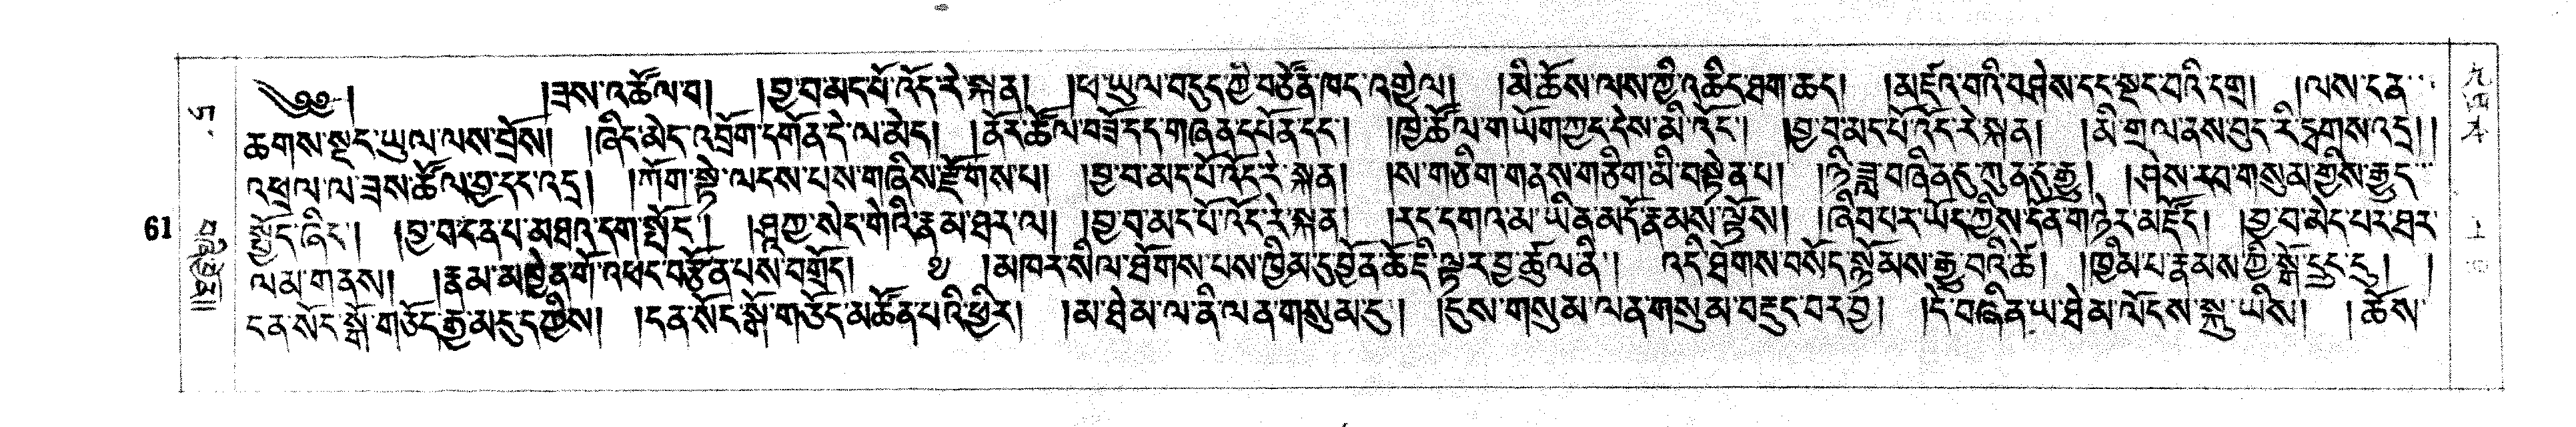༄༅། །ཟས་འཚོལ་བ། །བྱ་བ་མང་པོ་འོད་རེ་སྐན། །ཕ་ཡུལ་བདུད་ཀྱི་བཙོན་ཁང་འགྱེལ། །མི་ཆོས་ལས་ཀྱི་འཆིད་ཐག་ཆད། །མཛའ་བའི་བཤེས་དང་སྡང་བའི་དགྲ། །ལས་ངན་
ཆགས་སྡང་ཡུལ་ལས་བྲོས། །ཞིང་མེད་འབྲོག་དགོན་དེ་ལ་མེད། །ནོར་ཚོལ་བཟོ་དད་གཞན་དཔོན་དང་། །ཁྱེ་ཚོལ་གཡོག་ཀྱང་དེས་མི་འོང་། །བྱ་བ་མང་པོ་འོད་རེ་སྐན། །མི་གྲལ་ནས་བུད་རི་དྭགས་འདྲ།།
འཕྲལ་ལ་ཟས་ཚོལ་བྱ་དང་འདྲ། །ཀོག་སྟེ་ལངས་པས་གཞིས་རྫོགས་པ། །བྱ་བ་མང་པོ་འོད་རེ་སྐན། །ས་གཅིག་གནས་གཅིག་མི་བསྟེན་པ། །ཉི་ཟླ་བཞིན་དུ་ཀུན་དུ་རྒྱུ། །ཤེས་རབ་གསུམ་གྱིས་རྒྱུད་
སྤྱོད་ཞིང་། །བྱ་བ་ངན་པ་མཐའ་དག་སྤོང་། །ཤཱཀྱ་སེང་གེའི་རྣམ་ཐར་ལ། །བྱ་བ་མང་པོ་འོད་རེ་སྐན། །རང་དགའ་མ་ཡིན་མདོ་རྣམས་ལྟོས། །ཞིབ་པར་ཡོད་ཀྱིས་དོན་གཉེར་མཛོད། །བྱ་བ་མེད་པར་ཐར་
ལམ་གནས། །རྣམ་མཁྱེན་གོ་འཕང་བརྩོན་པས་བགྲོད། ༧་།མཁར་སིལ་ཐོགས་པས་ཁྱིམ་དུ་བྱོན་ཆོ་ཇི་ལྟར་བྱ་ཚུལ་ནི། འདི་ཐོགས་བསོད་སྙོམས་རྒྱུ་བའི་ཚེ། །ཁྱིམ་པ་རྣམས་ཀྱི་སྒོ་དྲུང་དུ། །
ངན་སོང་སྒོ་གཅོད་རྒྱ་མདུད་ཀྱིས། །ངན་སོང་སྒོ་གཅོད་མཚོན་པའི་ཕྱིར། །མ་ཐེམ་ལ་ནི་ལན་གསུམ་དུ། །དུས་གསུམ་ལན་གསུམ་བརྡུང་བར་བྱ། །དེ་བཞིན་ཡ་ཐེམ་ལོངས་སྐུ་ཡིས། །ཆོས་